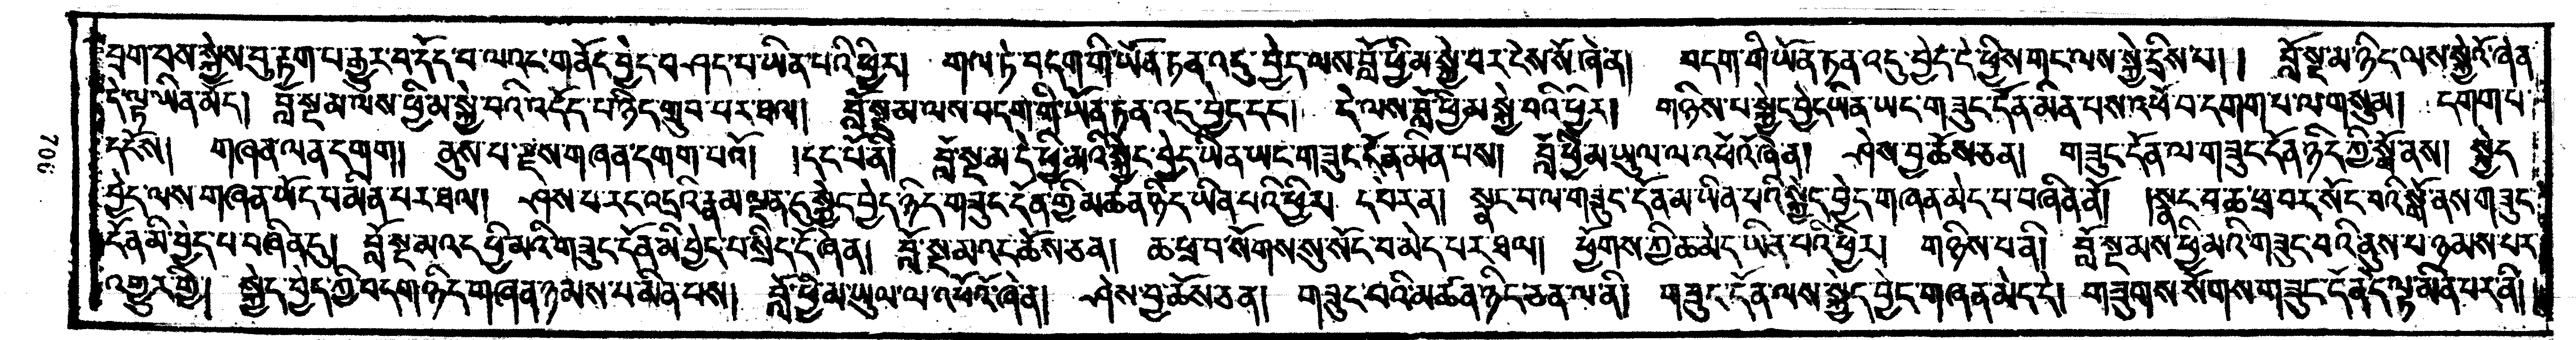བྲག་བས་སྐྱེས་བུ་རྟག་པ་རྒྱུར་བ་དོད་བ་ལའང་གནོད་བྱེད་བཤད་པ་ཡིན་པའི་ཕྱིར། གལ་ཏེ་བདག་གི་ཡོན་ཏན་འདུ་བྱེད་ལས་བློ་ཕྱི་མ་སྐྱེ་བར་ངེས་སོ་ཞེ་ན། བདག་གི་ཡོན་ཏན་འདུ་བྱེད་དེ་ཕྱིས་གང་ལས་སྐྱེ་དྲིས་པ། བློ་སྔ་མ་ཉིད་ལས་སྐྱེའོ་ཞེ་ན་
དེ་ལྟ་ཡིན་མོད། བློ་སྔ་མ་ལས་ཕྱི་མ་སྐྱེ་བའི་འདོད་པ་ཉིད་གྲུབ་པར་ཐལ། བློ་སྔ་མ་ལས་བདག་གི་ཡོན་ཏན་འདུ་བྱེད་དང་། དེ་ལས་བློ་ཕྱི་མ་སྐྱེ་བའི་ཕྱིར། གཉིས་པ་སྐྱེད་བྱེད་ཡིན་ཡང་གཟུང་དོན་མིན་པས་འཕོ་བ་དགག་པ་ལ་གསུམ། དགག་པ་
དངོས། གཞན་ལན་དགག། ནུས་པ་རྫས་གཞན་དགག་པའོ། །དང་པོ་ནི། བློ་སྔ་མ་དེ་ཕྱི་མའི་སྐྱེད་བྱེད་ཡིན་ཡང་གཟུང་དོན་མིན་པས། བློ་ཕྱི་མ་ཡུལ་ལ་འཕོའི་ཞེ་ན། ཤེས་བྱ་ཆོས་ཅན། གཟུང་དོན་ལ་གཟུང་དོན་ཉིད་ཀྱི་སྒོ་ནས། སྐྱེད་
བྱེད་ལས་གཞན་ཡོད་པ་མིན་པར་ཐལ། ཤེས་པ་རང་འདྲའི་རྣམ་ལྡན་དུ་སྐྱེད་བྱེད་ཉིད་གཟུང་དོན་གྱི་མཚན་ཉིད་ཡིན་པའི་ཕྱིར། དཔེར་ན། སྣང་བ་ལ་གཟུང་དོན་མ་ཡིན་པའི་སྐྱེད་བྱེད་གཞན་མེད་པ་བཞིན་ནོ། །སྣང་བ་ཆ་ཕྲ་བར་སོང་བའི་སྒོ་ནས་གཟུང་
དོན་མི་བྱེད་པ་བཞིན་དུ། བློ་སྔ་མའང་ཕྱི་མའི་གཟུང་དོན་མི་བྱེད་པ་སྲིད་དོ་ཞེ་ན། བློ་སྔ་མའང་ཆོས་ཅན། ཆ་ཕྲ་བ་སོགས་སུ་སོང་བ་མེད་པར་ཐལ། ཕྱོགས་ཀྱི་ཆ་མེད་ཡིན་པའི་ཕྱིར། གཉིས་པ་ནི། བློ་སྔ་མས་ཕྱི་མའི་གཟུང་བའི་ནུས་པ་ཉམས་པར་
འགྱུར་གྱི། སྐྱེད་བྱེད་ཀྱི་བདག་ཉིད་གཞན་ཉམས་པ་མིན་པས། བློ་ཕྱི་མ་ཡུལ་ལ་འཕོའོ་ཞེ་ན། ཤེས་བྱ་ཆོས་ཅན། གཟུང་བའི་མཚན་ཉིད་ཅན་ལ་ནི། གཟུང་དོན་ལས་སྐྱེད་བྱེད་གཞན་མེད་དེ། གཟུགས་སོགས་གཟུང་དོན་དེ་ལྟ་མིན་པར་ནི།།